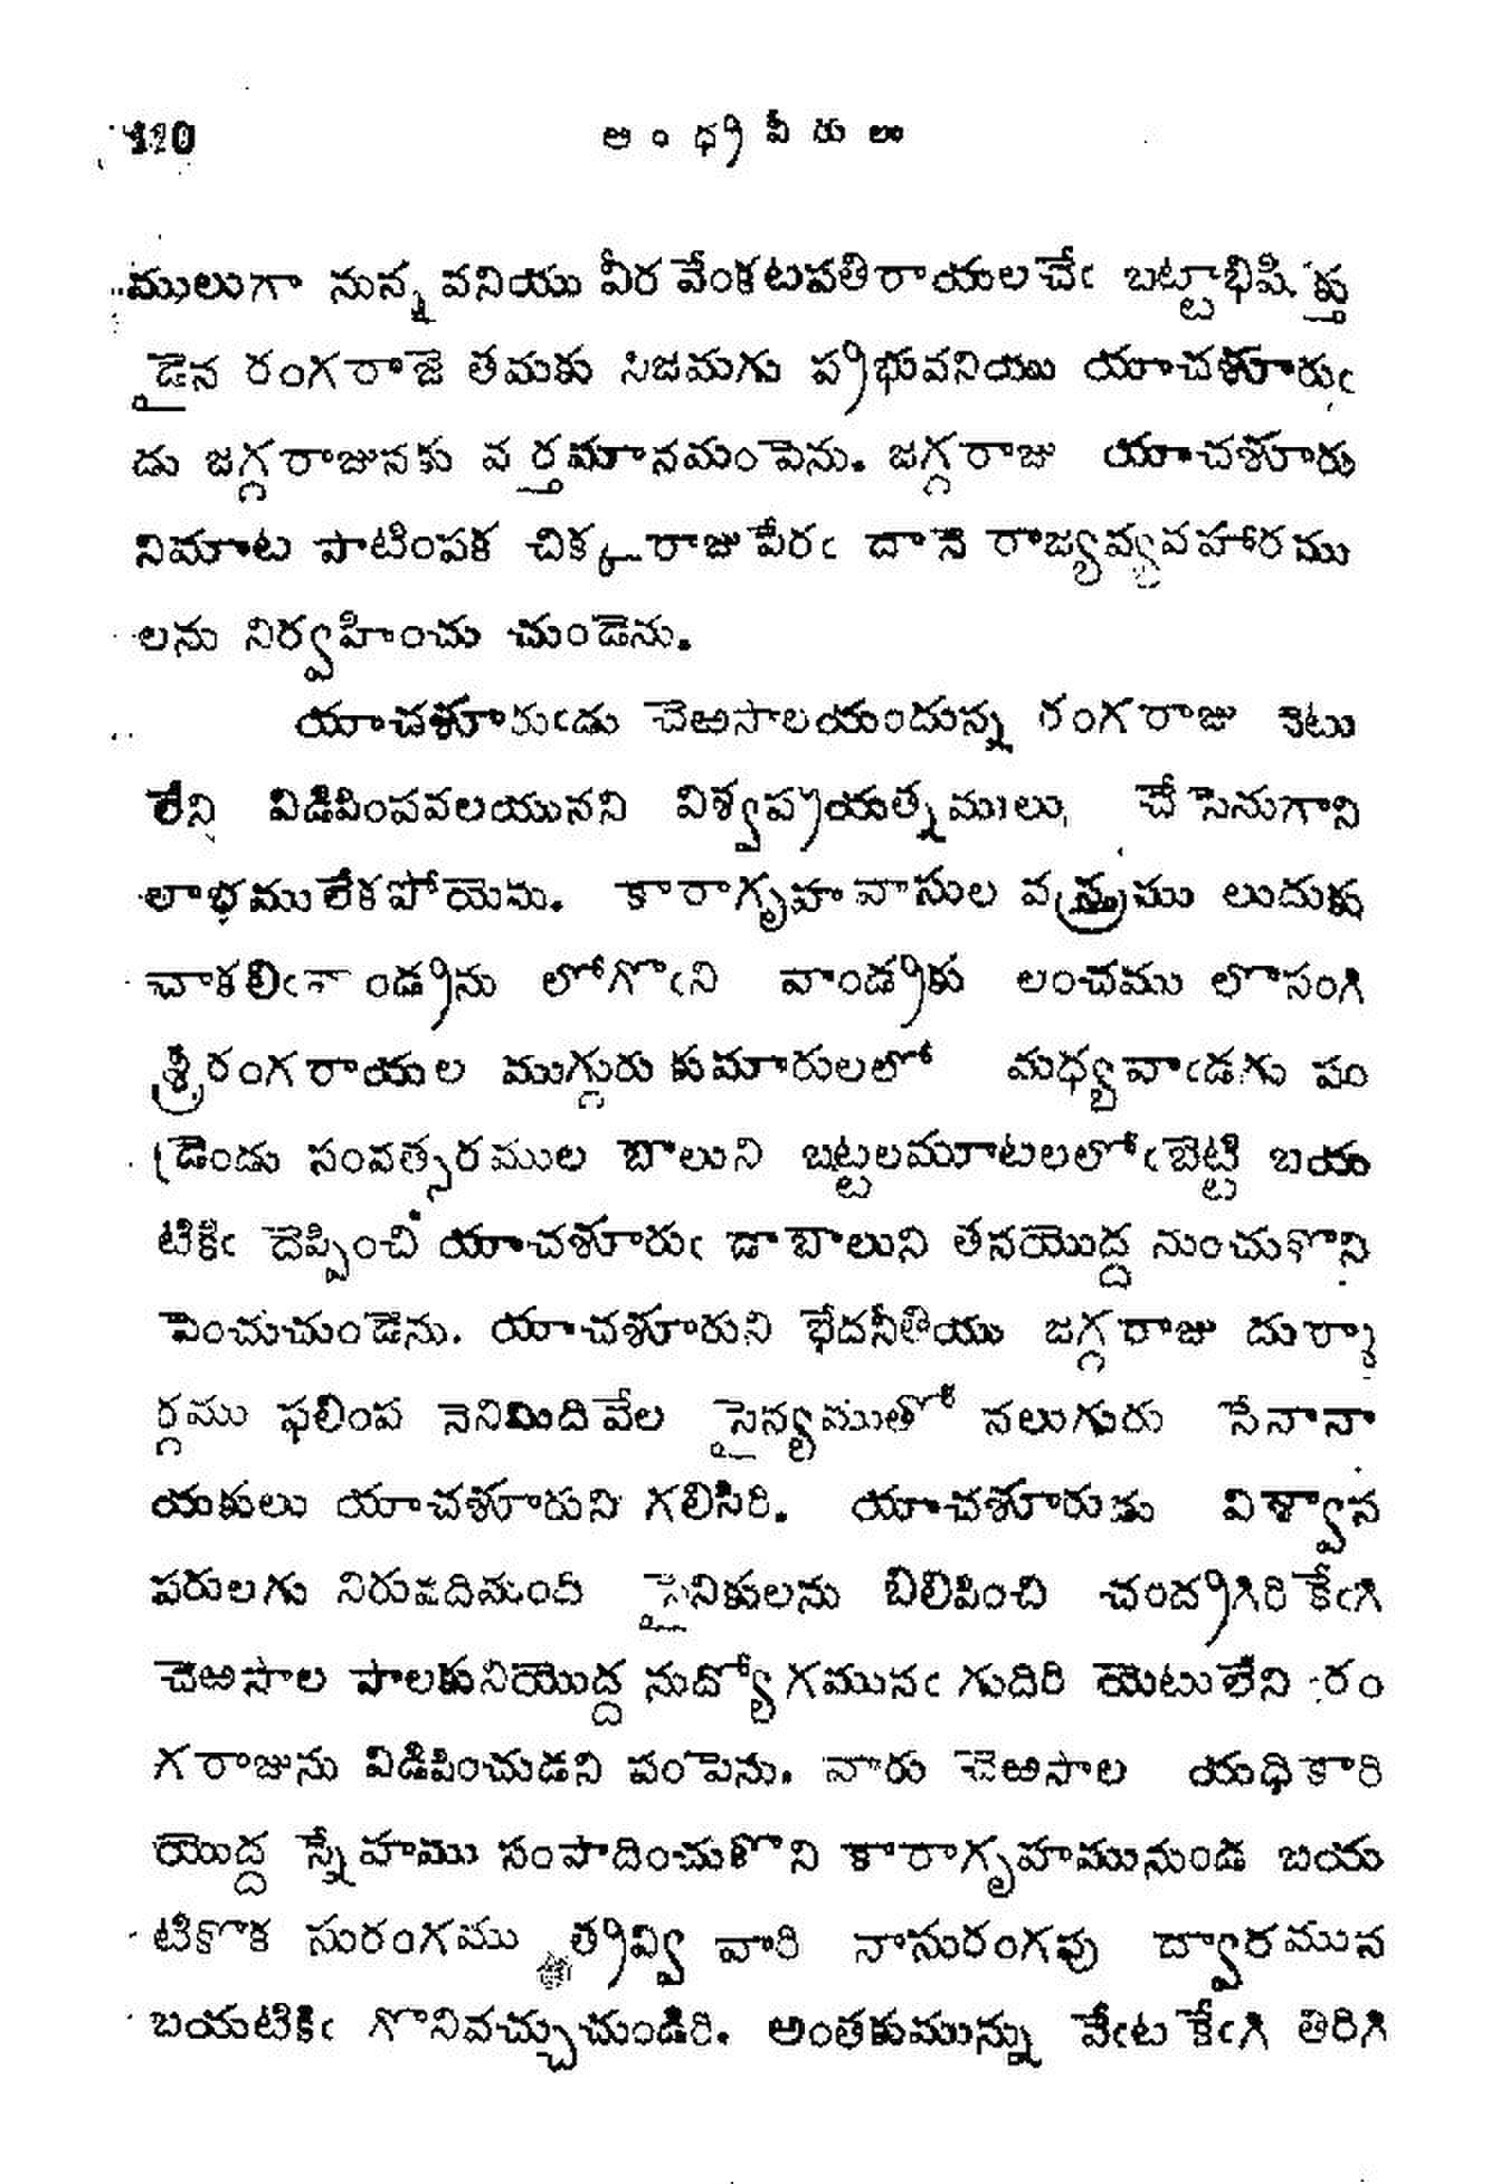ములుగా నున్నవనియు వీర వేంకటపతిరాయలచే బట్టాభిషిక్తుడైన రంగరాజే తమకు నిజమగు ప్రభువనియు యాచశూరుడు జగ్గరాజునకు వర్తమానమంపెను. జగ్గరాజు యాచశూరునిమాట పాటింపక చిక్కరాజుపేర దానె రాజ్యవ్యవహారములను నిర్వహించు చుండెను.

యాచశూరుడు చెఱసాలయందున్న రంగరాజు నెటులేని విడిపింపవలయునని విశ్వప్రయత్నములు చేసెనుగాని లాభములేకపోయెను. కారాగృహవాసుల వస్త్రము లుదుకు చాకలి వాండ్రను లోగొని వాండ్రకు లంచము లొసంగి శ్రీరంగరాయల ముగ్గురు కుమారులలో మధ్యవాడగు పండ్రెండు సంవత్సరముల బాలుని బట్టలమూటలలో బెట్టి బయటికి దెప్పించి యాచశూరు డాబాలుని తనయొద్ద నుంచుకొని పెంచుచుండెను. యాచశూరుని భేదనీతియు జగ్గరాజు దుర్మార్గము ఫలింప నెనిమిదివేల సైన్యముతో నలుగురు సేనానాయకులు యాచశూరుని గలిసిరి. యాచశూరుడు విశ్వాసపరులగు నిరువదిమంది సైనికులను బిలిపించి చంద్రగిరికేగి చెఱసాల పాలకునియొద్ద నుద్యోగమున గుదిరి యెటులేని రంగరాజును విడిపించుడని పంపెను. వారు చెఱసాల యధికారి యొద్ద స్నేహము సంపాదించుకొని కారాగృహమునుండి బయటికొక సురంగము త్రవ్వి వారి నా సురంగపు ద్వారమున బయటికి గొనివచ్చుచుండిరి. అంతకుమున్ను వేటకేగి తిరిగి